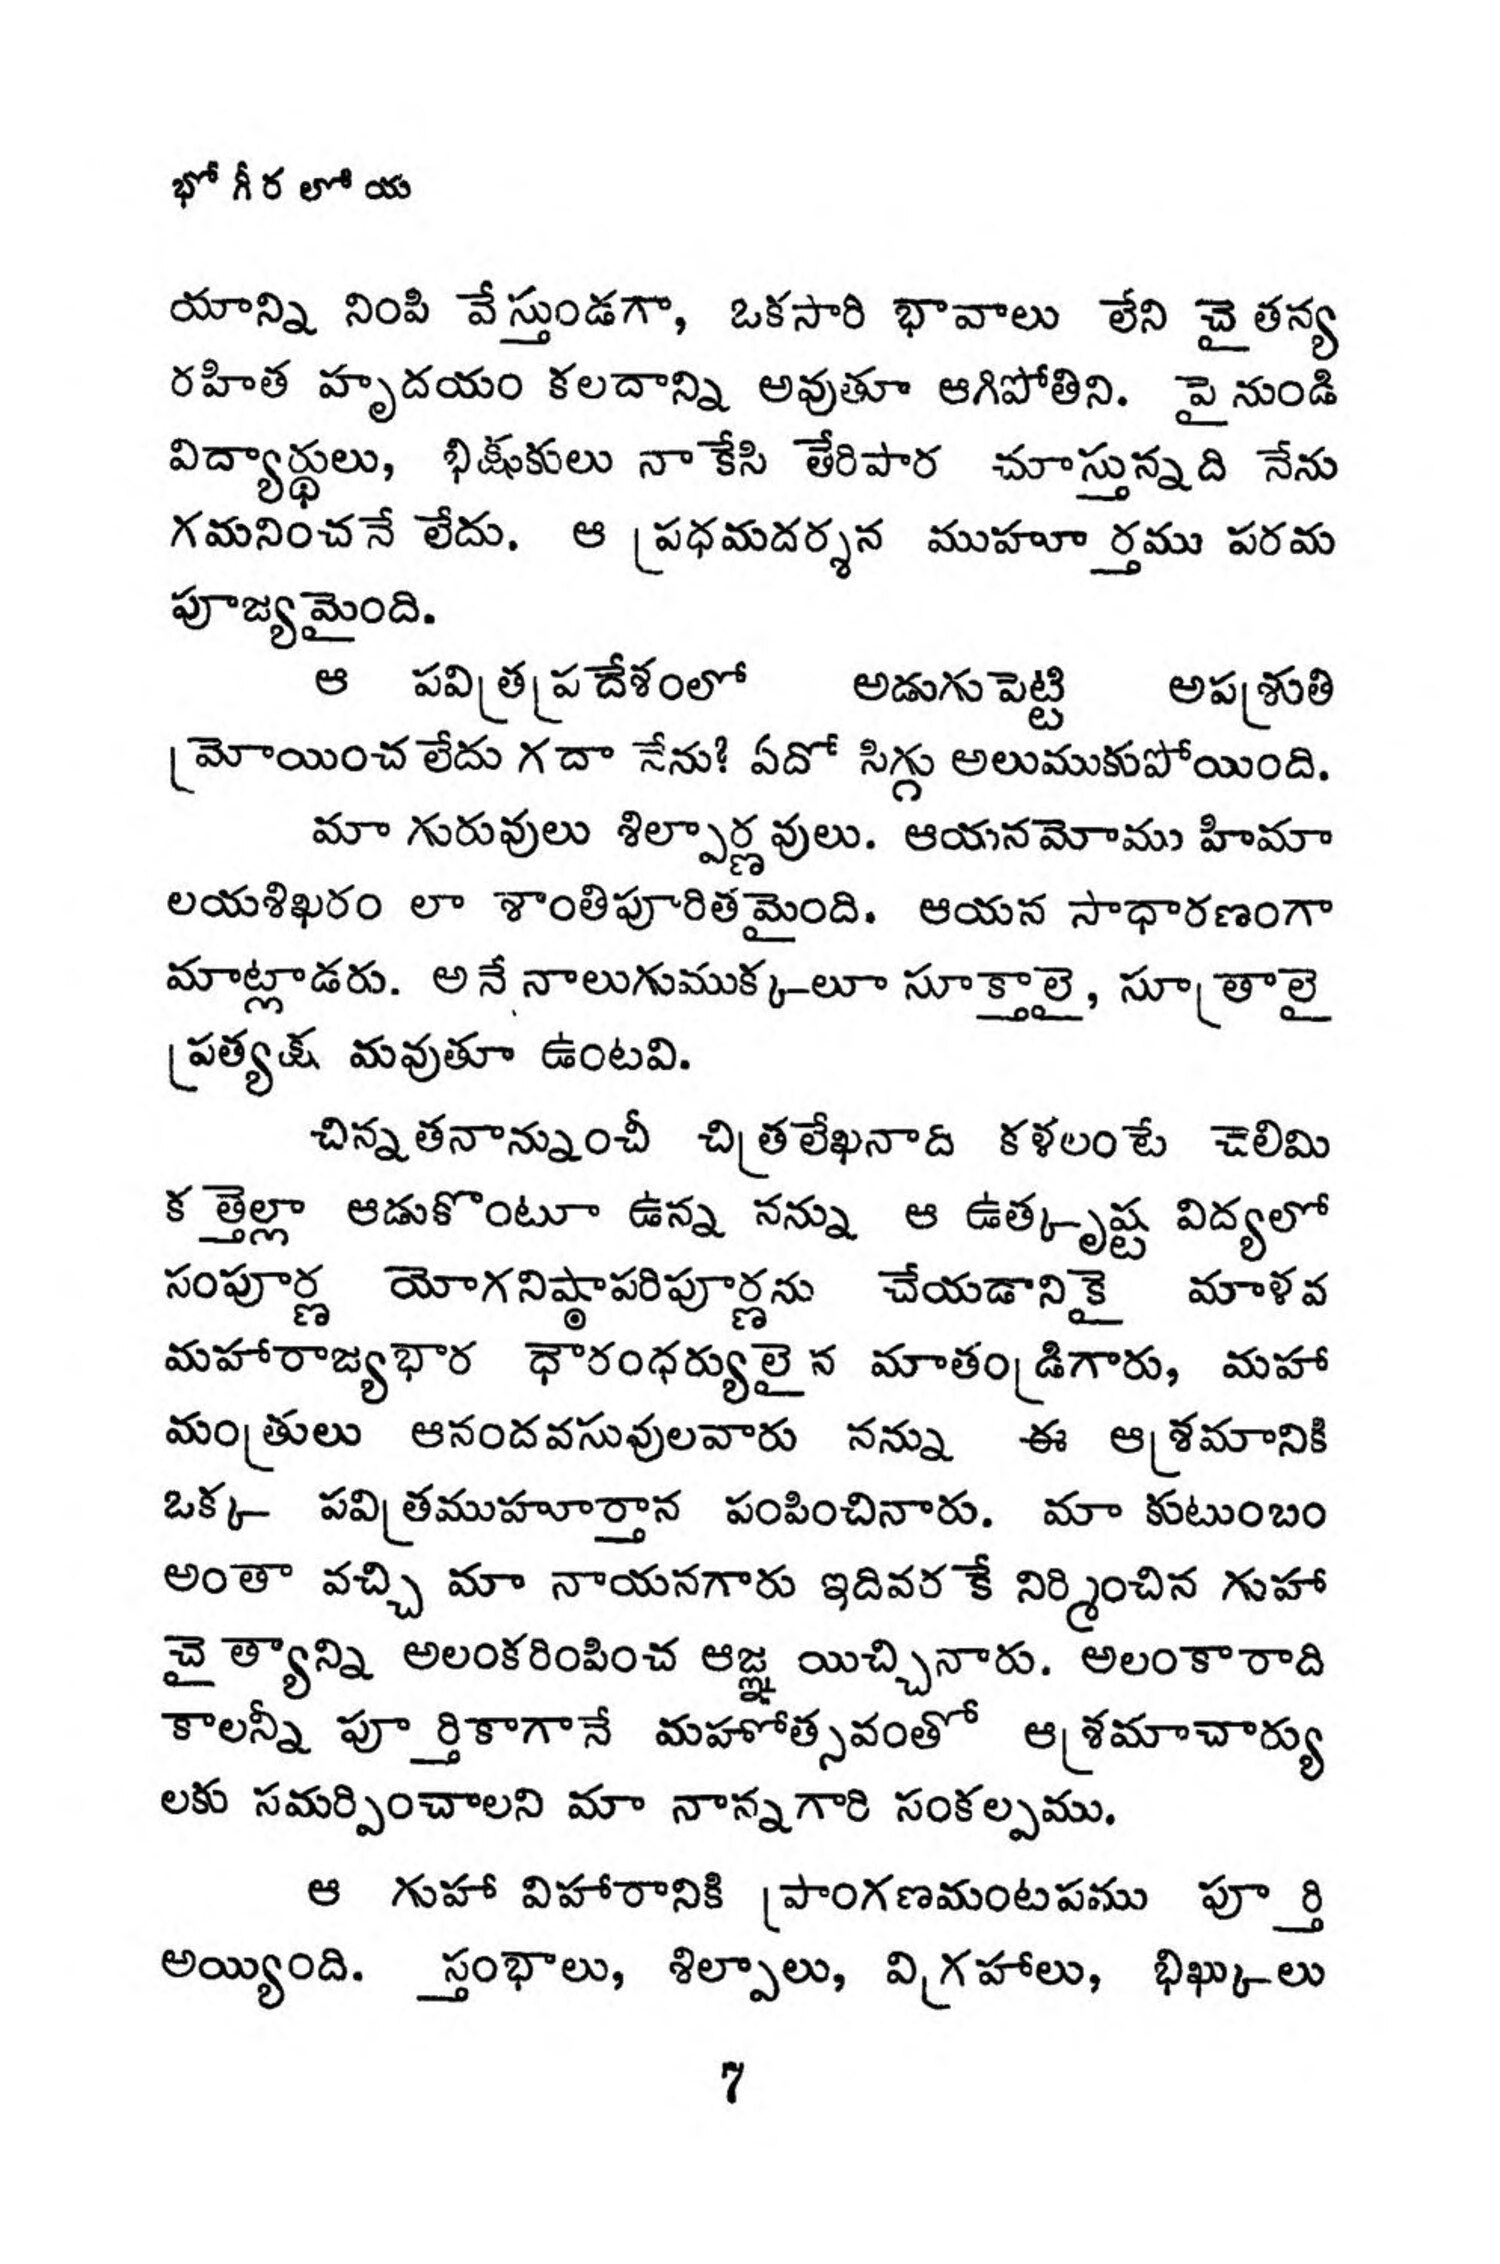యాన్ని నింపి వేస్తుండగా, ఒకసారి భావాలు లేని చైతన్య రహిత హృదయం కలదాన్ని అవుతూ ఆగిపోతిని. పై నుండి విద్యార్థులు, భిక్షకులు, నా కేసి తేరిపార చూస్తున్నది నేను గమనించనే లేదు. ఆ ప్రధమదర్శన ముహూర్తము పరమ పూజ్యమైంది.

ఆ పవిత్రప్రదేశంలో అడుగుపెట్టి అపశ్రుతి మ్రోయించలేదు గదా నేను? ఏదో సిగ్గు అలుముకుపోయింది.

మా గురువులు శిల్పార్ణవులు. ఆయనమోము హిమాలయశిఖరం లా శాంతిపూరితమైంది. ఆయన సాధారణంగా మాట్లాడరు. అనే నాలుగుముక్కలూ సూక్తాలై, సూత్రాలై ప్రత్యక్ష మవుతూ ఉంటవి.

చిన్నతనాన్నుంచీ చిత్రలేఖనాది కళలంటే చెలిమి కత్తెల్లా ఆడుకొంటూ ఉన్న నన్ను ఆ ఉత్కృష్ట విద్యలో సంపూర్ణ యోగనిష్ఠాపరిపూర్ణను చేయడానికై మాళవ మహారాజ్యభార ధౌరంధర్యులైన మాతండ్రిగారు, మహా మంత్రులు ఆనందవసువులవారు నన్ను ఈ ఆశ్రమానికి ఒక్క పవిత్రముహూర్తాన పంపించినారు. మా కుటుంబం అంతా వచ్చి మా నాయనగారు ఇదివరకే నిర్మించిన గుహా చైత్యాన్ని అలంకరింపించ ఆజ్ఞ యిచ్చినారు. అలంకారాదికాలన్నీ పూర్తికాగానే మహోత్సవంతో ఆశ్రమచార్యులకు సమర్పించాలని మా నాన్నగారి సంకల్పము.

ఆ గుహా విహారానికి ప్రాంగణమంటపము పూర్తి అయ్యింది. స్తంభాలు, శిల్పాలు, విగ్రహాలు, భిఖ్కులు